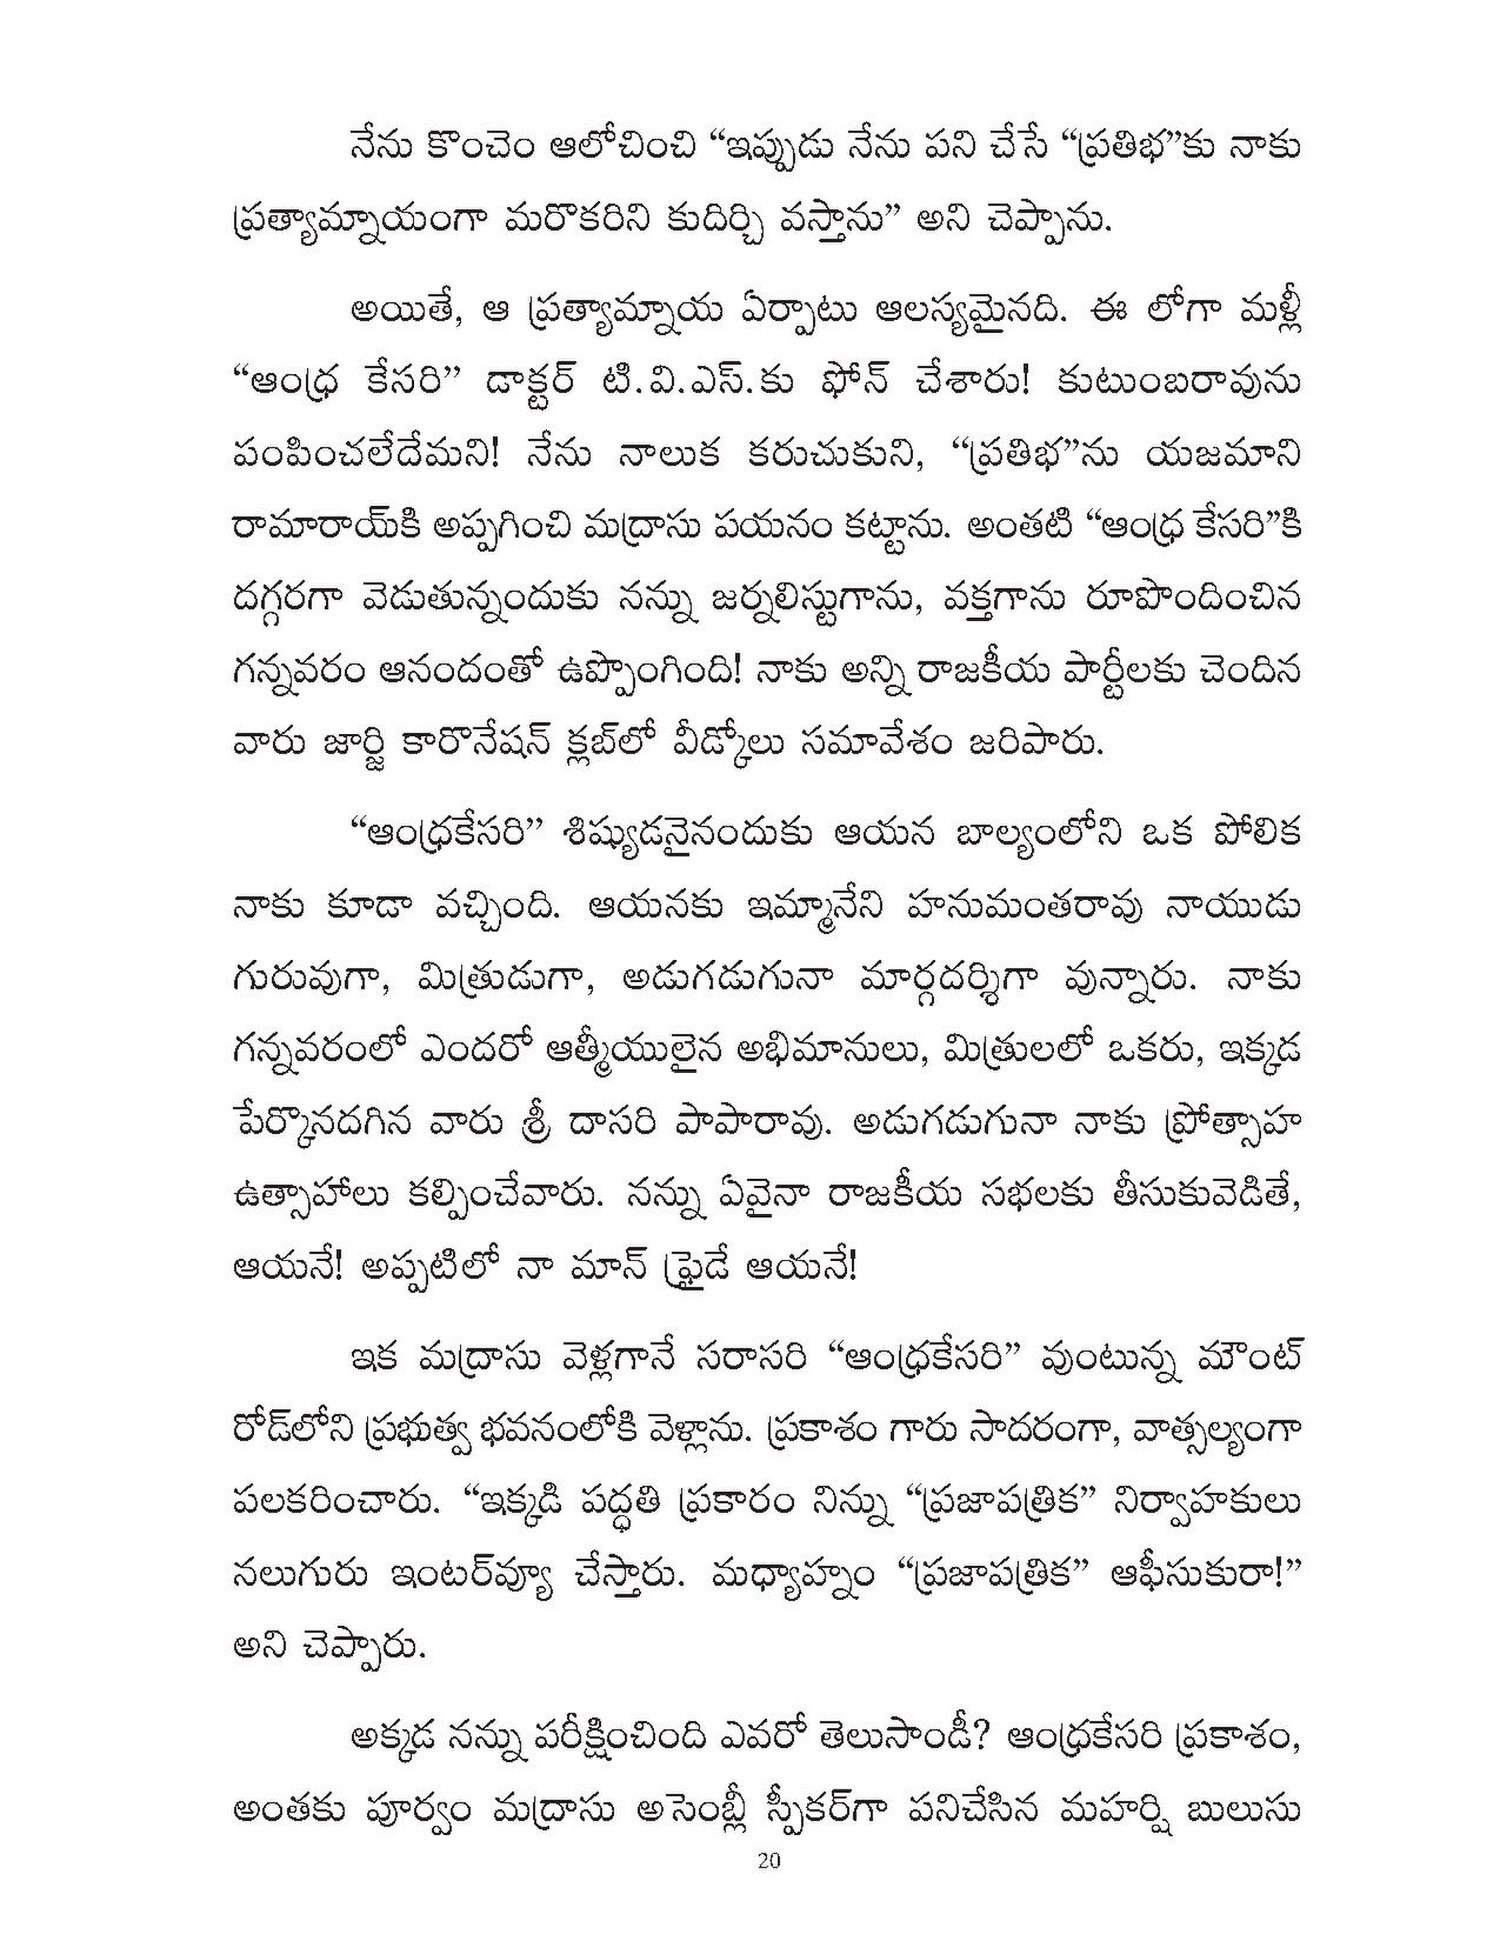నేను కొంచెం ఆలోచించి "ఇప్పుడు నేను పని చేసే "ప్రతిభ"కు నాకు
ప్రత్యామ్నాయంగా మరొకరిని కుదిర్చి వస్తాను" అని చెప్పాను.

అయితే, ఆ ప్రత్యామ్నాయ ఏర్పాటు ఆలస్యమైనది. ఈ లోగా మళ్లీ
"ఆంధ్ర కేసరి" డాక్టర్ టి.వి.ఎస్‌.కు ఫోన్‌ చేశారు! కుటుంబరావును
పంపించలేదేమని! నేను నాలుక కరుచుకుని, "ప్రతిభ"ను యజమాని
రామారాయ్ కి అప్పగించి మద్రాసు పయనం కట్టాను. అంతటి "ఆంధ్ర కేసరి"కి
దగ్గరగా వెడుతున్నందుకు నన్ను జర్నలిస్టుగాను, వక్తగాను రూపొందించిన
గన్నవరం ఆనందంతో ఉప్పొంగింది! నాకు అన్ని రాజకీయ పార్టీలకు చెందిన
వారు జార్జి కారొనేషన్‌ క్లబ్‌లో వీడ్కోలు సమావేశం జరిపారు.

"ఆంధ్రకేసరి" శిష్యుడనైనందుకు ఆయన బాల్యంలోని ఒక పోలిక
నాకు కూడా వచ్చింది. ఆయనకు ఇమ్మానేని హనుమంతరావు నాయుడు
గురువుగా, మిత్రుడుగా, అడుగడుగునా మార్గదర్శిగా వున్నారు. నాకు
గన్నవరంలో ఎందరో ఆత్మీయులైన అభిమానులు, మిత్రులలో ఒకరు, ఇక్కడ
పేర్కొనదగిన వారు శ్రీ దాసరి పాపారావు. అడుగడుగునా నాకు ప్రోత్సాహ
ఉత్సాహాలు కల్పించేవారు. నన్ను ఏవైనా రాజకీయ సభలకు తీసుకువెడితే,
ఆయనే! అప్పటిలో నా మాన్‌ ఫ్రైడే ఆయనే!

ఇక మద్రాసు వెళ్లగానే సరాసరి "ఆంధ్రకేసరి" వుంటున్న మౌంట్‌
రోడ్‌లోని ప్రభుత్వ భవనంలోకి వెళ్లాను. ప్రకాశం గారు సాదరంగా, వాత్సల్యంగా
పలకరించారు. "ఇక్కడి పద్ధతి ప్రకారం నిన్ను "ప్రజాపత్రిక" నిర్వాహకులు
నలుగురు ఇంటర్‌వ్యూ చేస్తారు. మధ్యాహ్నం "ప్రజాపత్రిక" ఆఫీసుకురా!"
అని చెప్పారు.

అక్కడ నన్ను పరీక్షించింది ఎవరో తెలుసాండీ? ఆంధ్రకేసరి ప్రకాశం,
అంతకు పూర్వం మద్రాసు అసెంబ్లీ స్పీకర్‌గా పనిచేసిన మహర్షి బులుసు